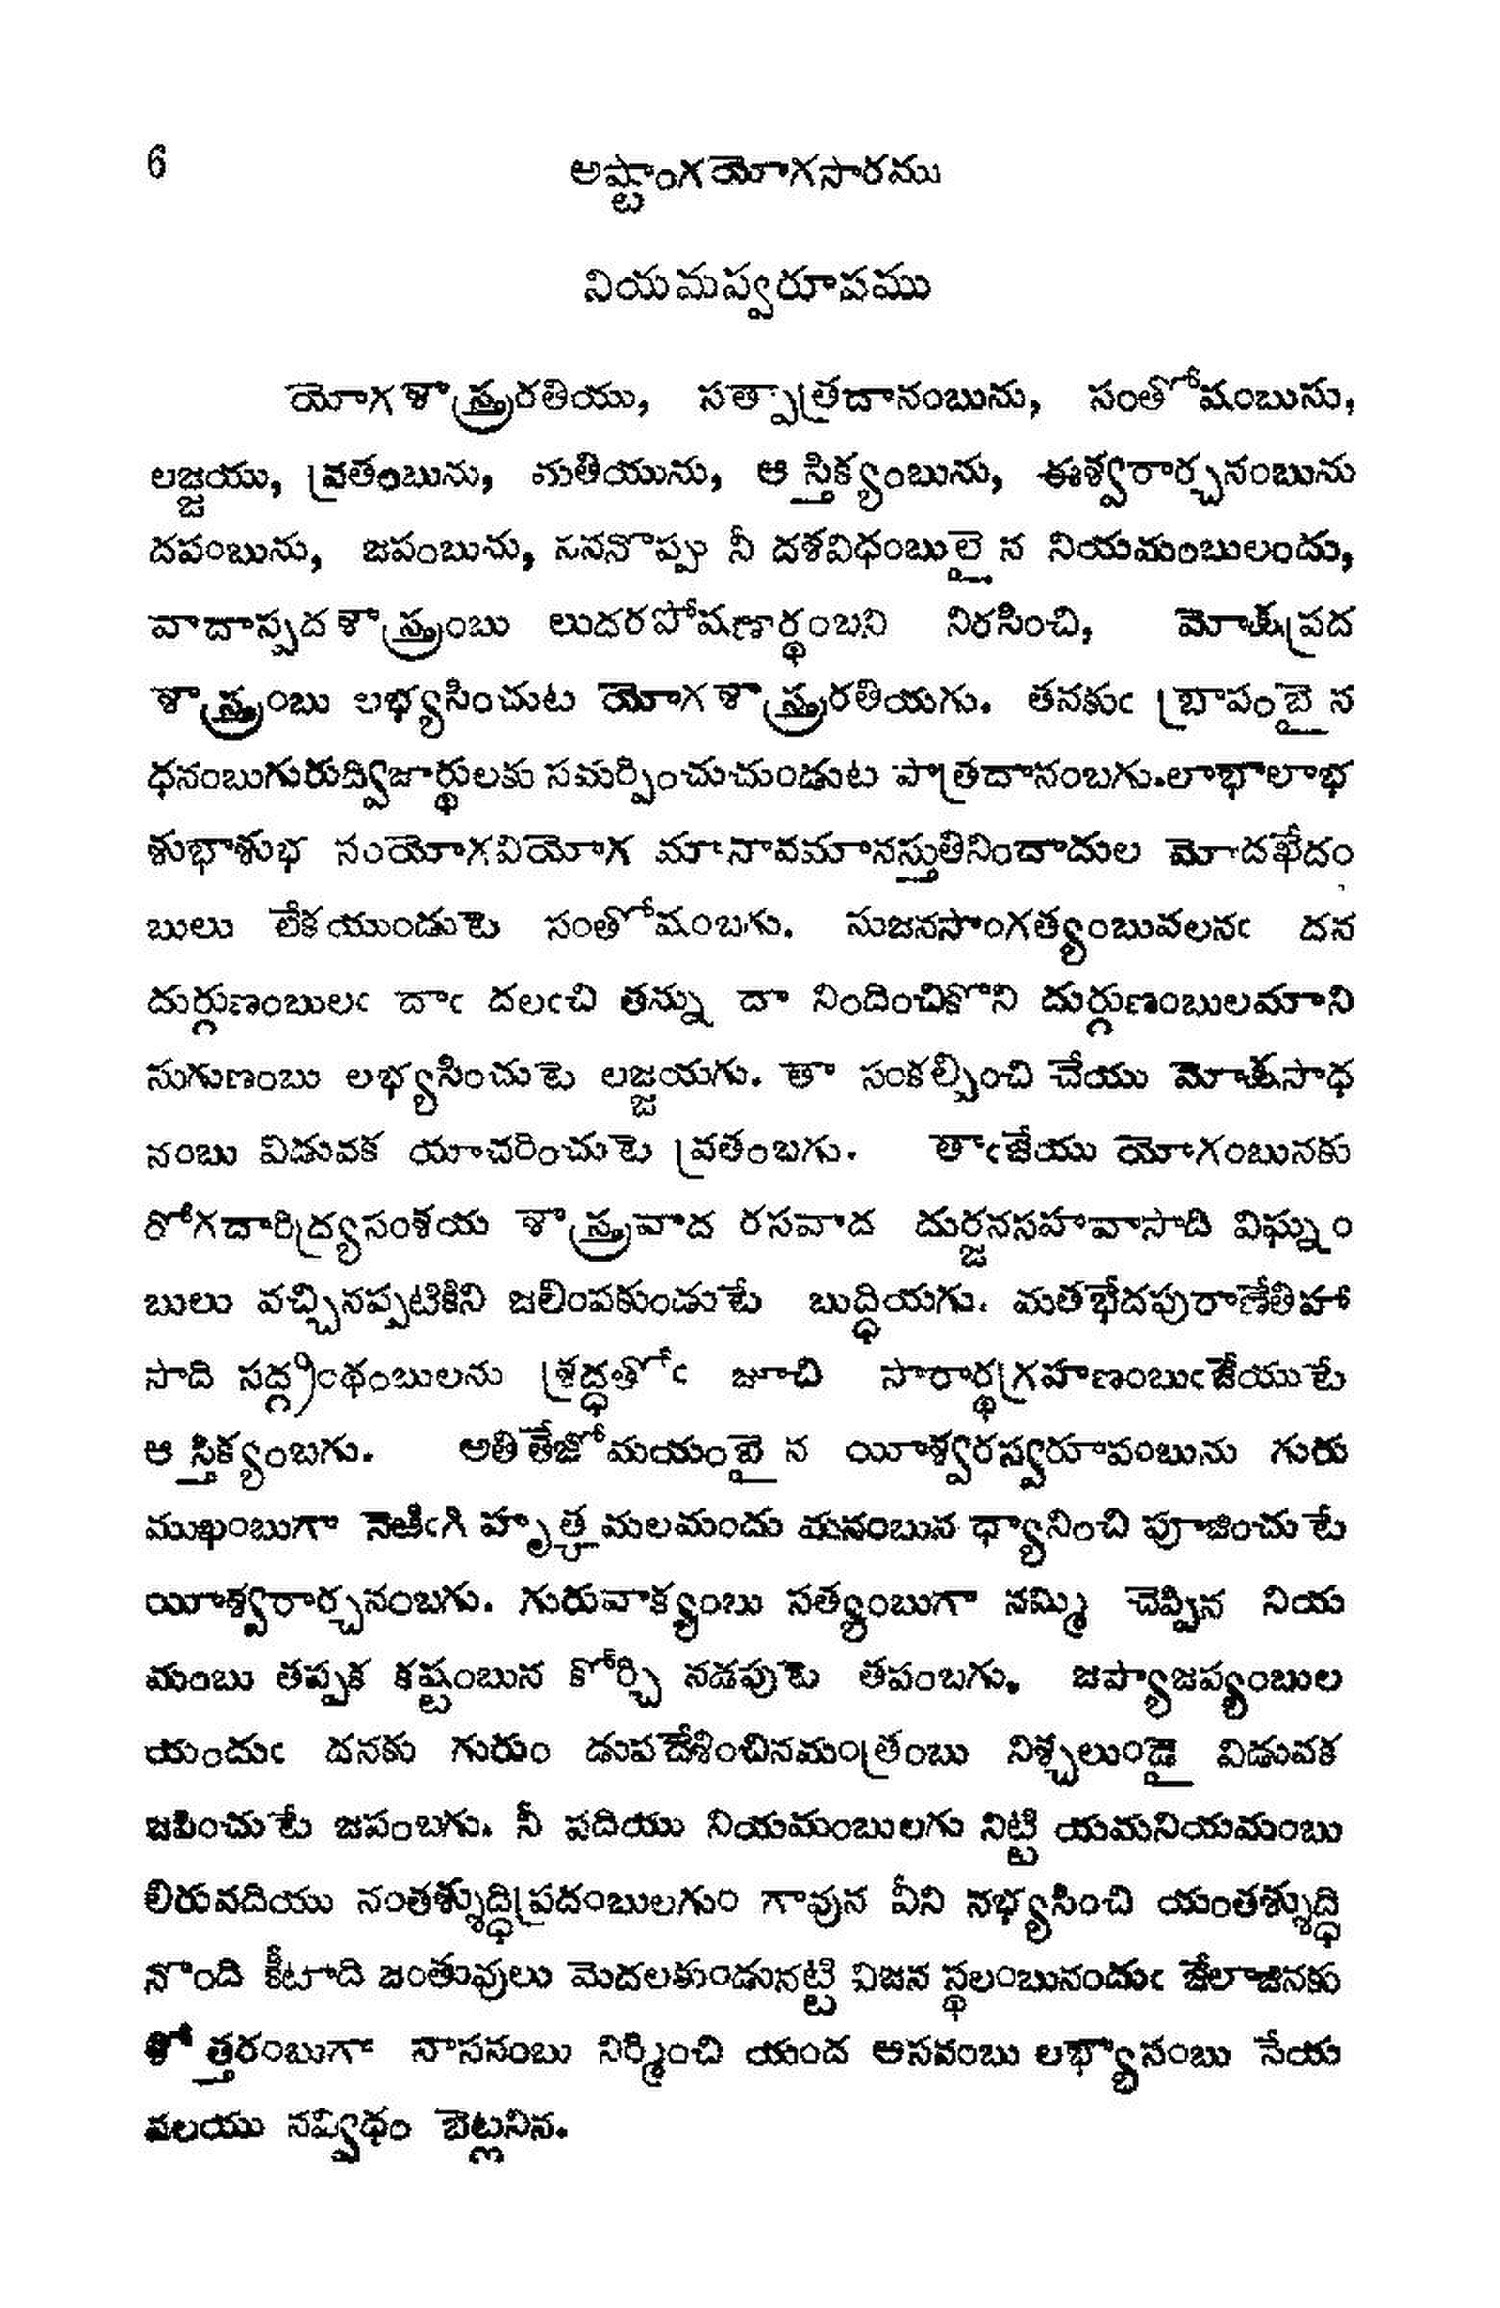యోగశాస్త్రరతియు, సత్పాత్రదానంబును, సంతోషంబును, లజ్జయు, వ్రతంబును, మతియును, ఆస్తిక్యంబును, ఈశ్వరార్చనంబును, దపంబును, జపంబును, నననొప్పు నీ దశవిధంబులైన నియమంబులందు, వాదాస్పదశాస్త్రంబు లుదరపోషణార్థంబని నిరసించి, మోక్షప్రదశాస్త్రంబు లభ్యసించుట యోగశాస్త్రరతియగు. తనకుఁ బ్రాపంబైన ధనంబు గురుద్విజార్థులకు సమర్పించుచుండుట పాత్రదానంబగు. లాభాలాభ శుభాశుభ సంయోగవియోగ మానావమాన స్తుతినిందాదుల మోదఖేదంబులు లేక యుండుటె సంతోషంబగు. సుజనసాంగత్యంబువలనఁ దన దుర్గుణంబులఁ దాఁ దలఁచి తన్ను దా నిందించికొని దుర్గుణంబుల మాని సుగుణంబు లభ్యసించుటె లజ్జయగు. తా సంకల్పించి చేయు మోక్షసాధనంబు విడువక యాచరించుట వ్రతంబగు. తాఁజేయు యోగంబునకు రోగదారిద్ర్యసంశయ శాస్త్రవాద రసవాద దుర్జనసహవాసాది విఘ్నంబులు వచ్చినప్పటికిని జలింపకుండుటే బుద్ధియగు. మతభేదపురాణేతిహాసాది సద్గ్రంథంబులను శ్రద్ధతోఁ జూచి సారార్థగ్రహణంబుఁ జేయుటే ఆస్తిక్యంబగు. అతితేజోమయంబైన యీశ్వరస్వరూపంబును గురుముఖంబుగా నెఱిఁగి హృత్కమలమందు మనంబున ధ్యానించి పూజించుటే యీశ్వరార్చనంబగు. గురువాక్యంబు సత్యంబుగా నమ్మి చెప్పిన నియమంబు తప్పక కష్టంబున కోర్చి నడపుటె తపంబగు. జప్యాజప్యంబులయందుఁ దనకు గురుం డుపదేశించినమంత్రంబు నిశ్చలుండై విడువక జపించుటే జపంబగు. నీ పదియు నియమంబులగు నిట్టి యమనియమంబు లిరువదియు నంతశ్శుద్ధిప్రదంబులగుం గావున వీని నభ్యసించి యంతశ్శుద్ధి నొంది కీటాది జంతువులు మెదలకుండునట్టి విజనస్థలంబునందుఁ జేలాజినకుత్తరోత్తరంబుగా నాసనంబు నిర్మించి యంద ఆసనంబు లభ్యాసంబు సేయవలయు నవ్విధం బెట్లనిన.